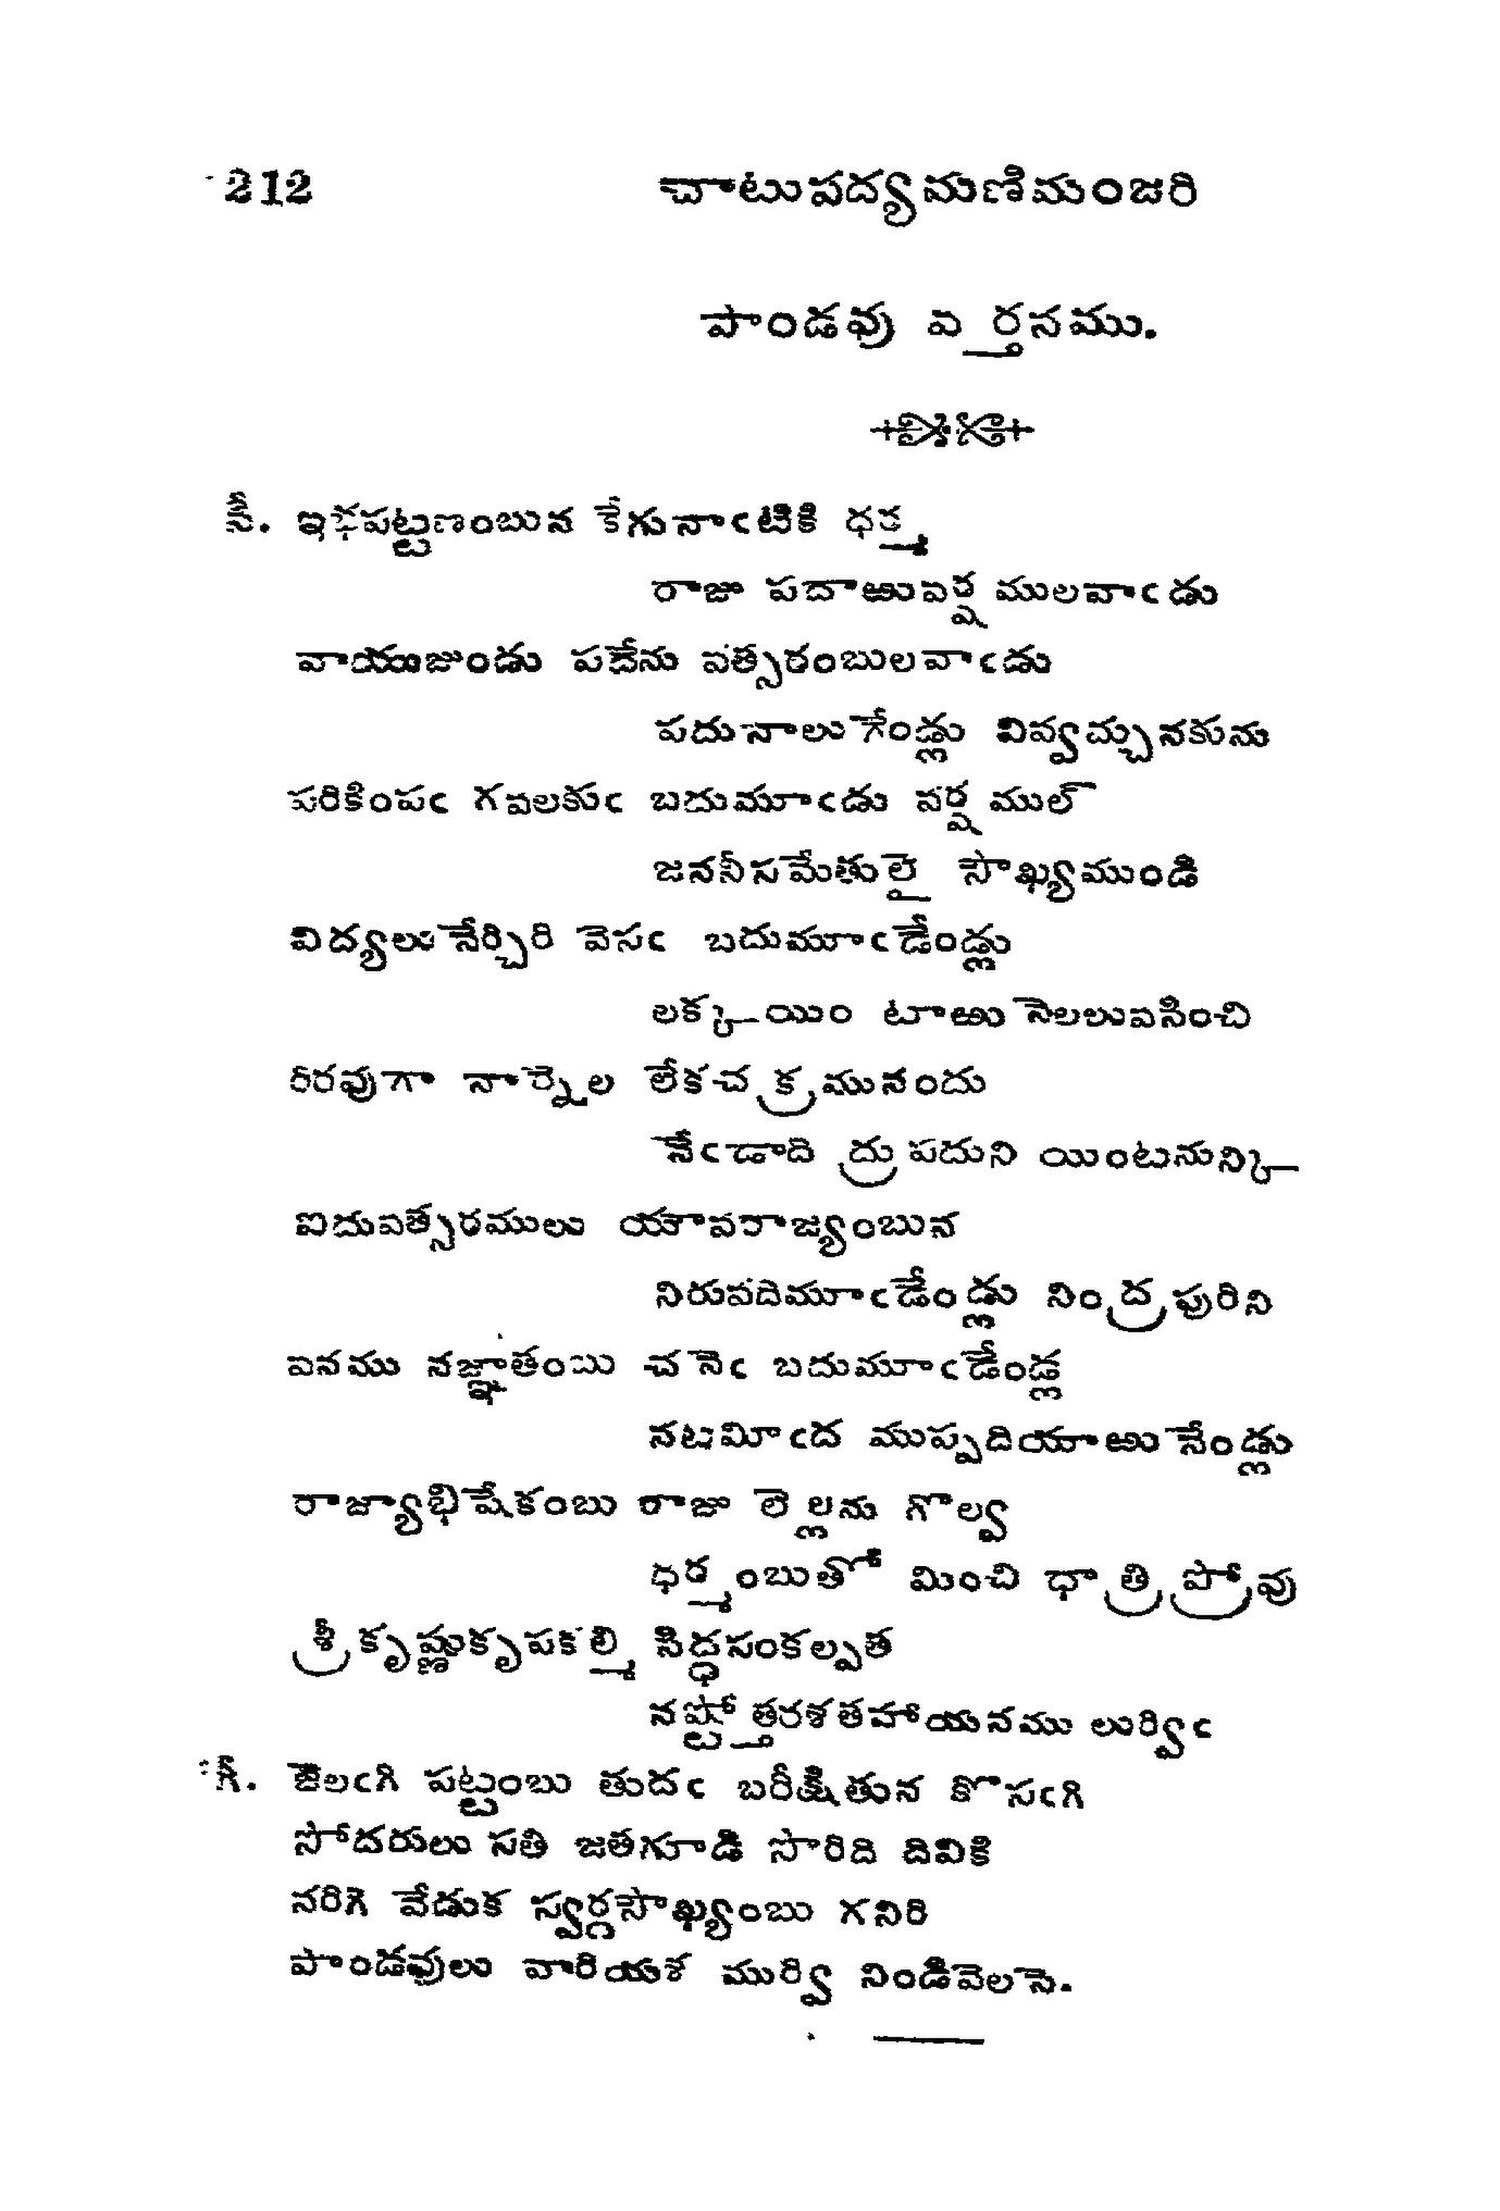సీ. ఇభపట్టణంబున కేగునాఁటికి ధర్మ
 రాజు పదాఱువర్షములవాఁడు
 వాయుజుండు పదేను వత్సరంబులవాఁడు
 పదునాలుగేండ్లు వివ్వచ్చునకును
 పరికింపఁ గవలకుఁ బదుమూఁడు వర్షముల్
 జననీసమేతులై సౌఖ్యముండి
 విద్యలు నేర్చిరి వెసఁ బదుమూఁడేండ్లు
 లక్కయిం టాఱునెలలు వసించి
 రిరవుగా నార్నెల లేకచక్రమునందు 
 నేఁడాది ద్రుపదుని యింటనున్కి
 ఐదువత్సరములు యౌవరాజ్యంబున
 నిరువదిమూఁడేండ్లు నింద్రపురిని
 వనము నజ్ఞాతంబు చనెఁ బదుమూఁడేండ్లు
 నటమీఁద ముప్పదియాఱునేండ్లు
 రాజ్యాభిషేకంబు రాజు లెల్లను గొల్వ
 ధర్మంబుతో మించి ధాత్రిప్రోవు
 శ్రీకృష్ణుకృపకల్మి సిద్ధసంకల్పత
 నష్టోత్తరశతహాయనము లుర్విఁ
గీ. జెలఁగి పట్టంబు తుదఁ బరీక్షితున కొసఁగి
 సోదరులు సతి జతగూడి సొరిది దివికి
 నరిగి వేడుక స్వర్గసౌఖ్యంబు గనిరి
 పాండవులు వారియశ ముర్వి నిండి వెలసె.